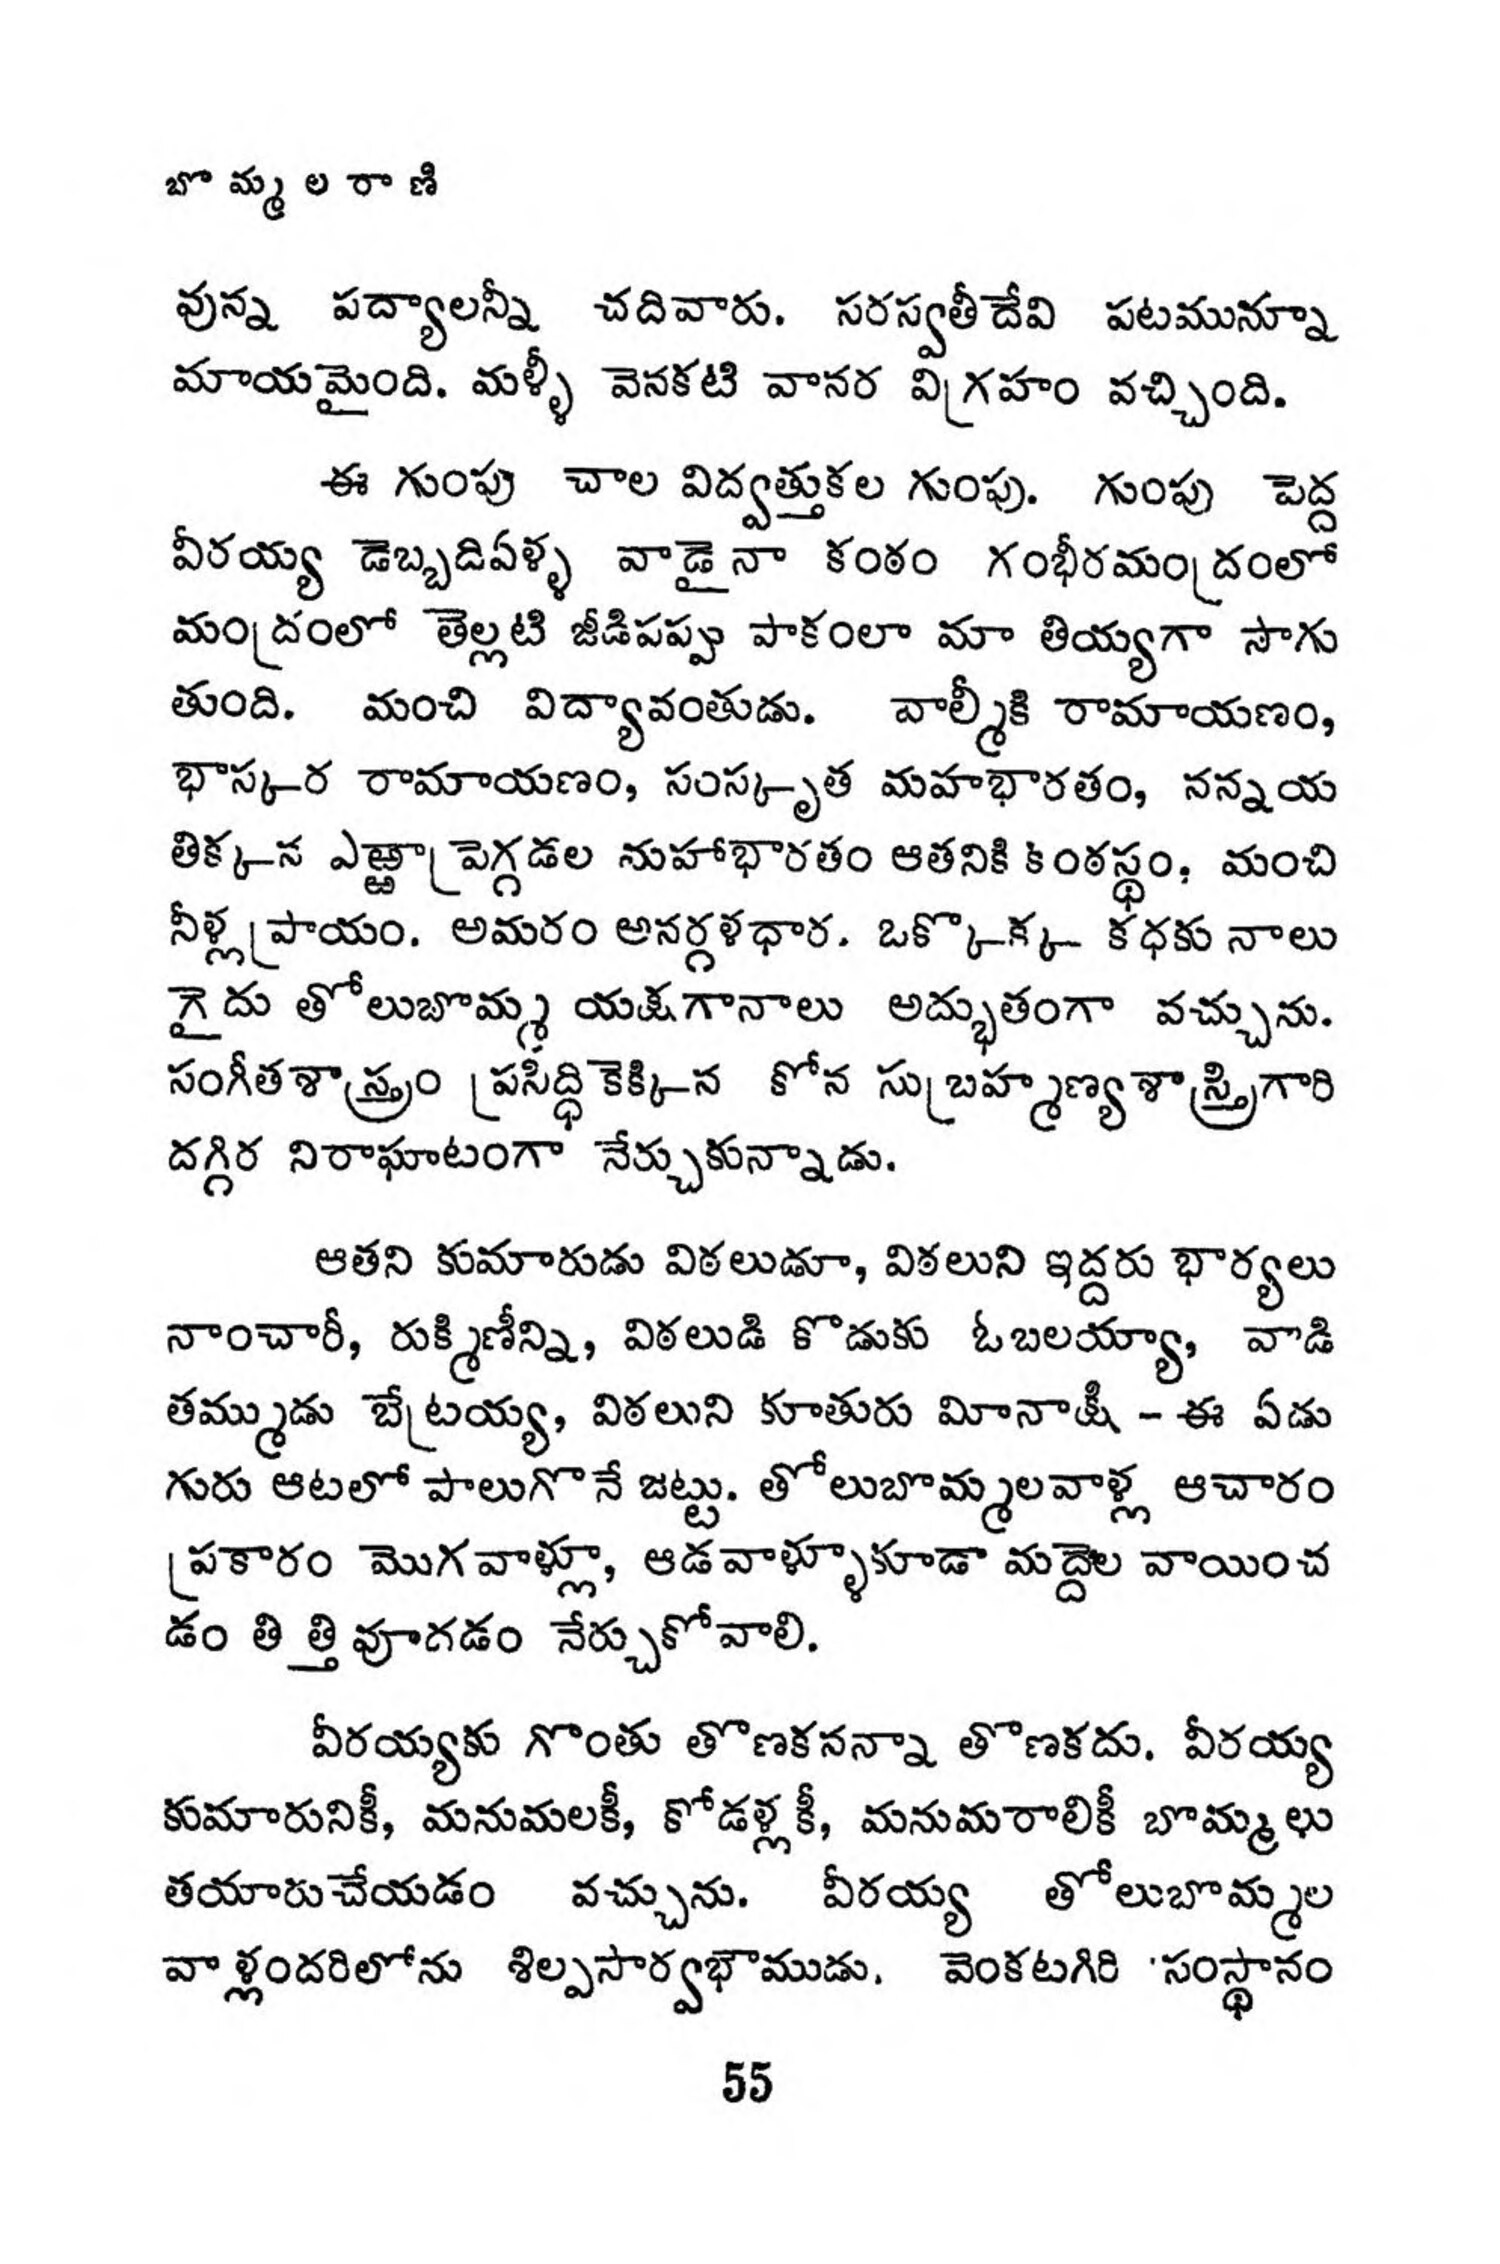వున్న పద్యాలన్నీ చదివారు. సరస్వతీదేవి పటమున్నూ మాయమైంది. మళ్ళీ వెనకటి వానర విగ్రహం వచ్చింది.

ఈ గుంపు చాల విద్వత్తుకల గుంపు. గుంపు పెద్ద వీరయ్య డెబ్బదిఏళ్ళ వాడైనా కంఠం గంభీరమంద్రంలో మంద్రంలో తెల్లటి జీడిపప్పు పాకంలా మా తియ్యగా సాగుతుంది. మంచి విద్యావంతుడు. వాల్మీకి రామాయణం, భాస్కర రామాయణం, సంస్కృత మహభారతం, నన్నయ తిక్కన ఎఱ్ఱాప్రెగ్గడల మహాభారతం ఆతనికి కంఠస్థం. మంచి నీళ్లప్రాయం. అమరం అనర్గళధార. ఒక్కొక్క కథకు నాలుగైదు తోలుబొమ్మ యక్షగానాలు అద్భుతంగా వచ్చును. సంగీతశాస్త్రం ప్రసిద్ధికెక్కిన కోన సుబ్రహ్మణ్యశాస్త్రిగారి దగ్గిర నిరాఘాటంగా నేర్చుకున్నాడు.

ఆతని కుమారుడు విఠలుడూ, విఠలుని ఇద్దరు భార్యలు నాంచారీ, రుక్మణీన్ని, విఠలుడి కొడుకు ఓబలయ్యా, వాడి తమ్ముడు బేట్రయ్య, విఠలుని కూతురు మీనాక్షి - ఈ ఏడుగురు ఆటలో పాలుగొనే జట్టు. తోలుబొమ్మలవాళ్ల ఆచారం ప్రకారం మొగవాళ్లూ, ఆడవాళ్ళూకూడా మద్దెల వాయించడం తిత్తివూదడం నేర్చుకోవాలి.

వీరయ్యకు గొంతు తొణకనన్నా తొణకదు. వీరయ్య కుమారునికీ, మనుమలకీ, కోడళ్లకీ, మనుమరాలికీ బొమ్మలు తయారుచేయడం వచ్చును. వీరయ్య తోలుబొమ్మల వాళ్లందరిలోను శిల్పసార్వభౌముడు. వెంకటగిరి సంస్థానం